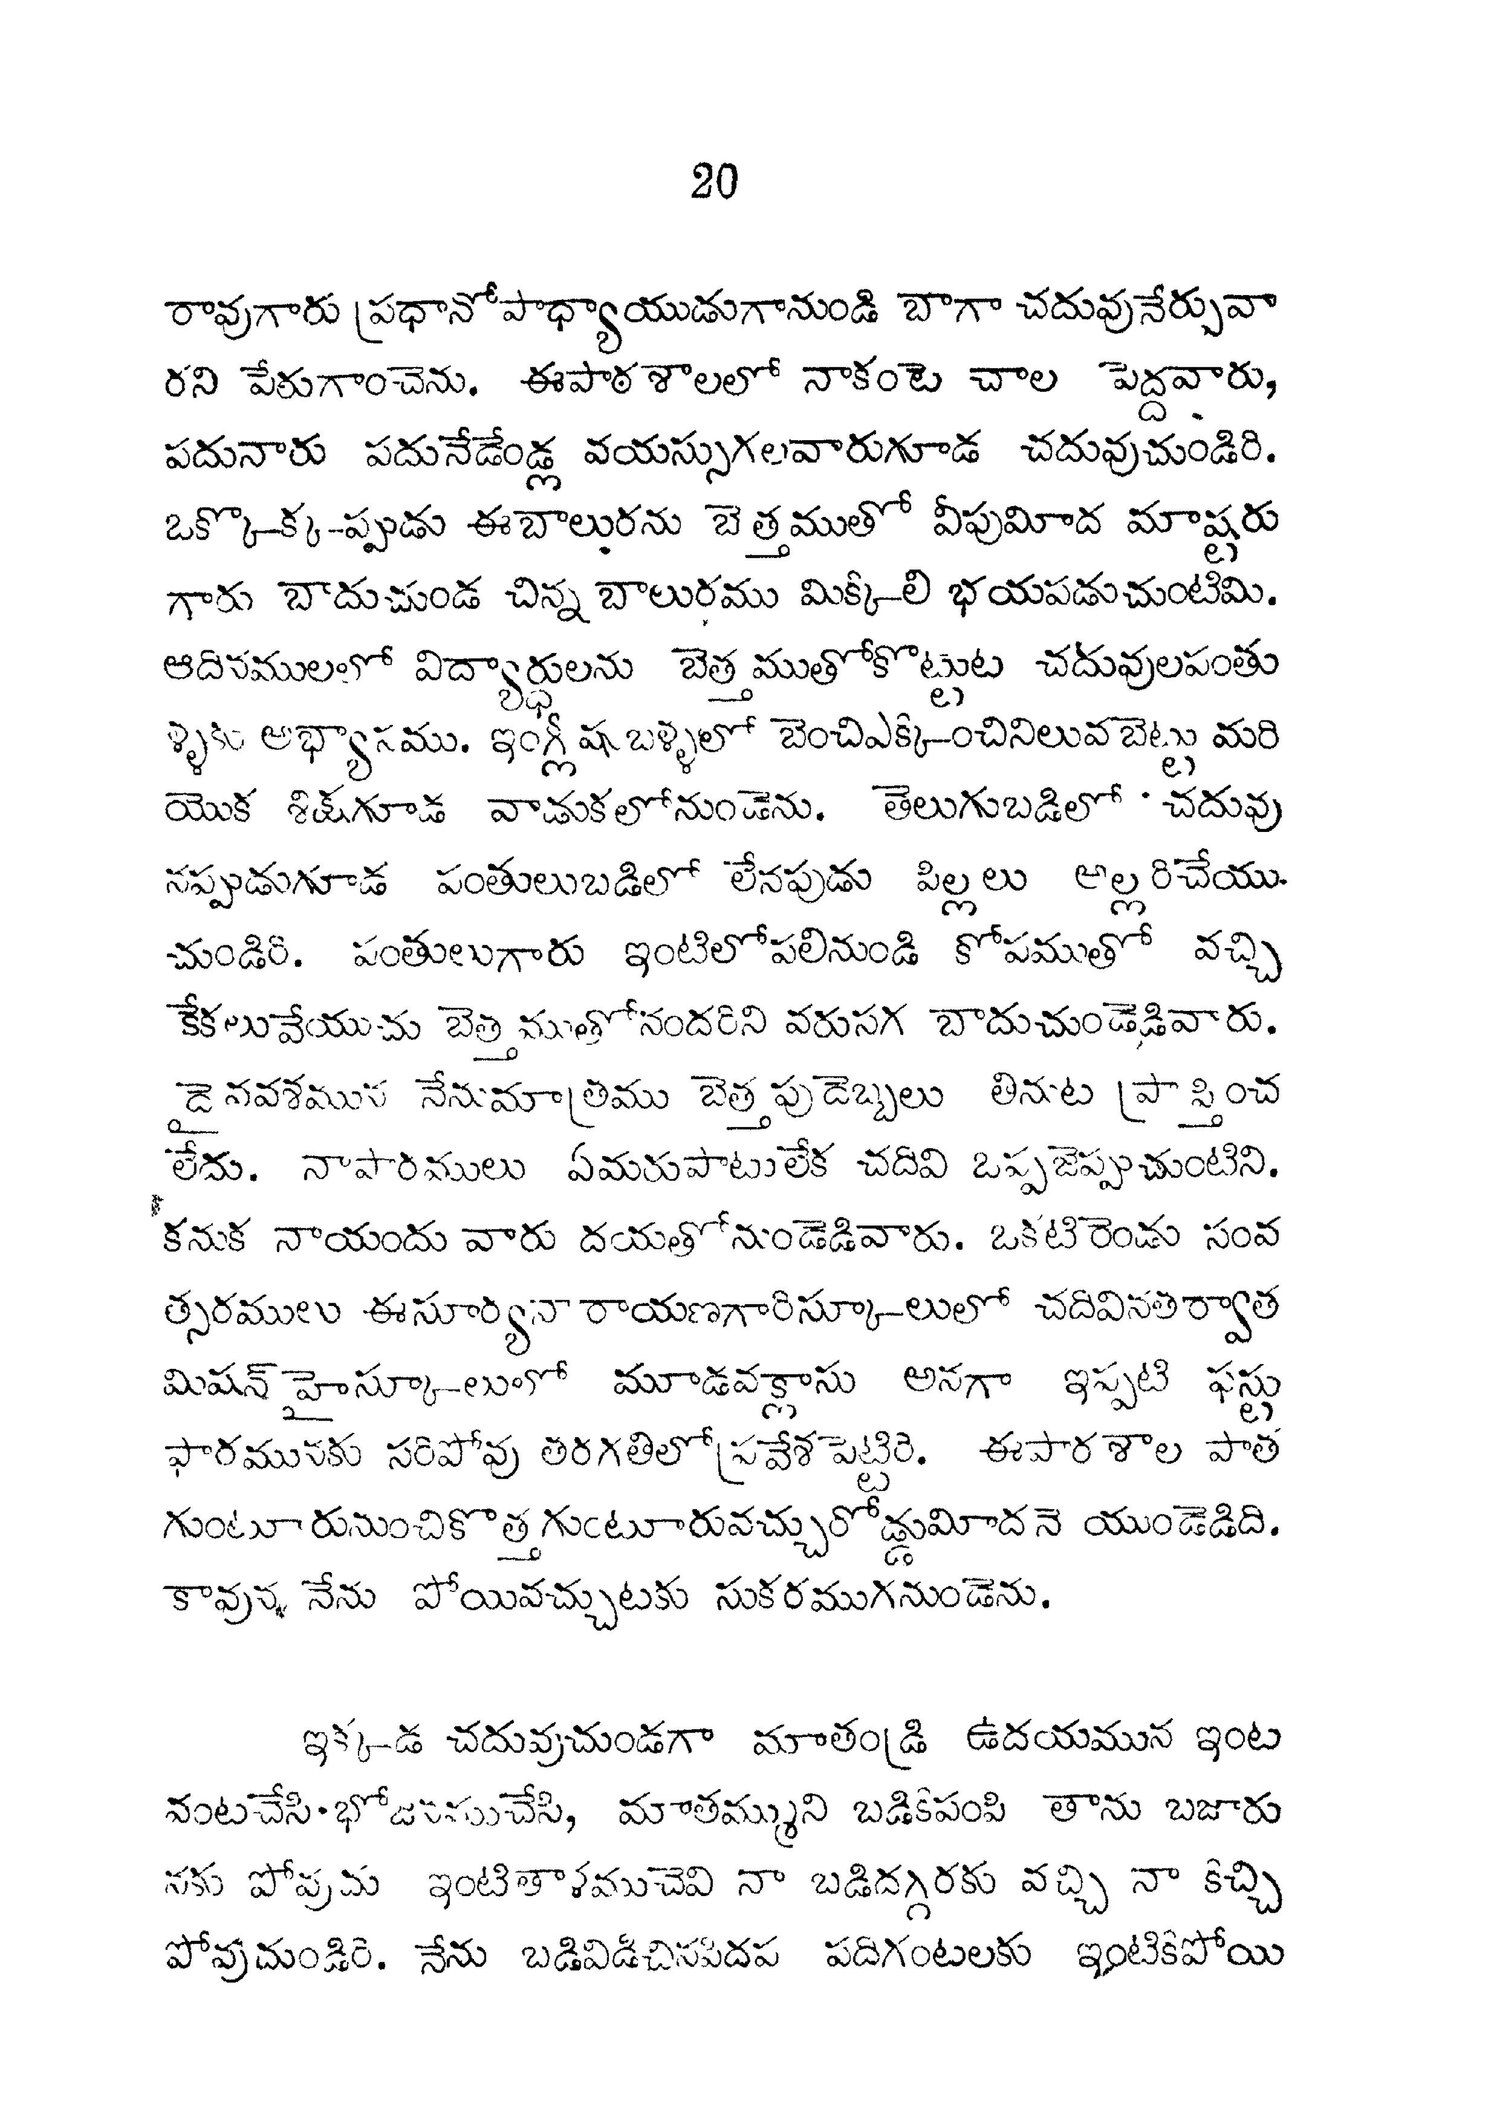రావుగారు ప్రధానోపాధ్యాయుడుగానుండి బాగా చదువునేర్పువారని పేరుగాంచెను. ఈపాఠశాలలో నాకంటె చాల పెద్దవారు, పదునారు పదునేడేండ్లు వయస్సుగలవారుగూడ చదువుచుండిరి. ఒక్కొక్కప్పుడు ఈబాలురను బెత్తముతో వీపుమీద మాష్టరుగారు బాదుచుండ చిన్నబాలురము మిక్కిలి భయపడుచుంటిమి. ఆదినములలో విద్యార్ధులను బెత్తముతోకొట్టుట చదువులపంతుళ్ళకు అభ్యాసము. ఇంగ్లీషు బళ్ళలో బెంచిఎక్కించినిలువబెట్టు మరియొక శిక్షగూడ వాడుకలోనుండెను. తెలుగుబడిలో చదువునప్పుడు పంతులుబడిలో లేనపుడు పిల్లలు అల్లరిచేయుచుండిరి. పంతులుగారు ఇంటిలోపలినుండి కోపముతోవచ్చి కేకలువేయుచు బెత్తముతోనందరిని వరుసగ బాదుచుండెడివారు. దైవవశమున నేనుమాత్రము బెత్తపుదెబ్బలు తినుట ప్రాప్తించ లేదు. నాపాఠములు ఏమరుపాటులేక చదివి ఒప్పజెప్పుచుంటిని. కనుక నాయందు వారు దయతోనుండెడివారు. ఒకటిరెండు సంవత్సరములు ఈసూర్యనారాయణగారిస్కూలులో చదివినతర్వాత మిషన్‌హైస్కూలులో మూడవక్లాసు అనగా ఇప్పటి ఫస్టు ఫారమునకు సరిపోవు తరగతిలో ప్రవేశపెట్టిరి. ఈపాఠశాల పాతగుంటూరునుంచి కొత్తగుంటూరువచ్చు రోడ్డుమీదనె యుండెడిది. కావున నేను పోయివచ్చుటకు సుకరముగనుండెను.

ఇక్కడ చదువుచుండగా మాతండ్రి ఉదయమున ఇంట వంటచేసి భోజనముచేసి, మాతమ్ముని బడికిపంపి తాను బజారునకు పోవుచు ఇంటితాళముచెవి నా బడిదగ్గరకు వచ్చి నా కిచ్చిపోవుచుండిరి. నేను బడివిడిచినపిదప పదిగంటలకు ఇంటికిపోయి